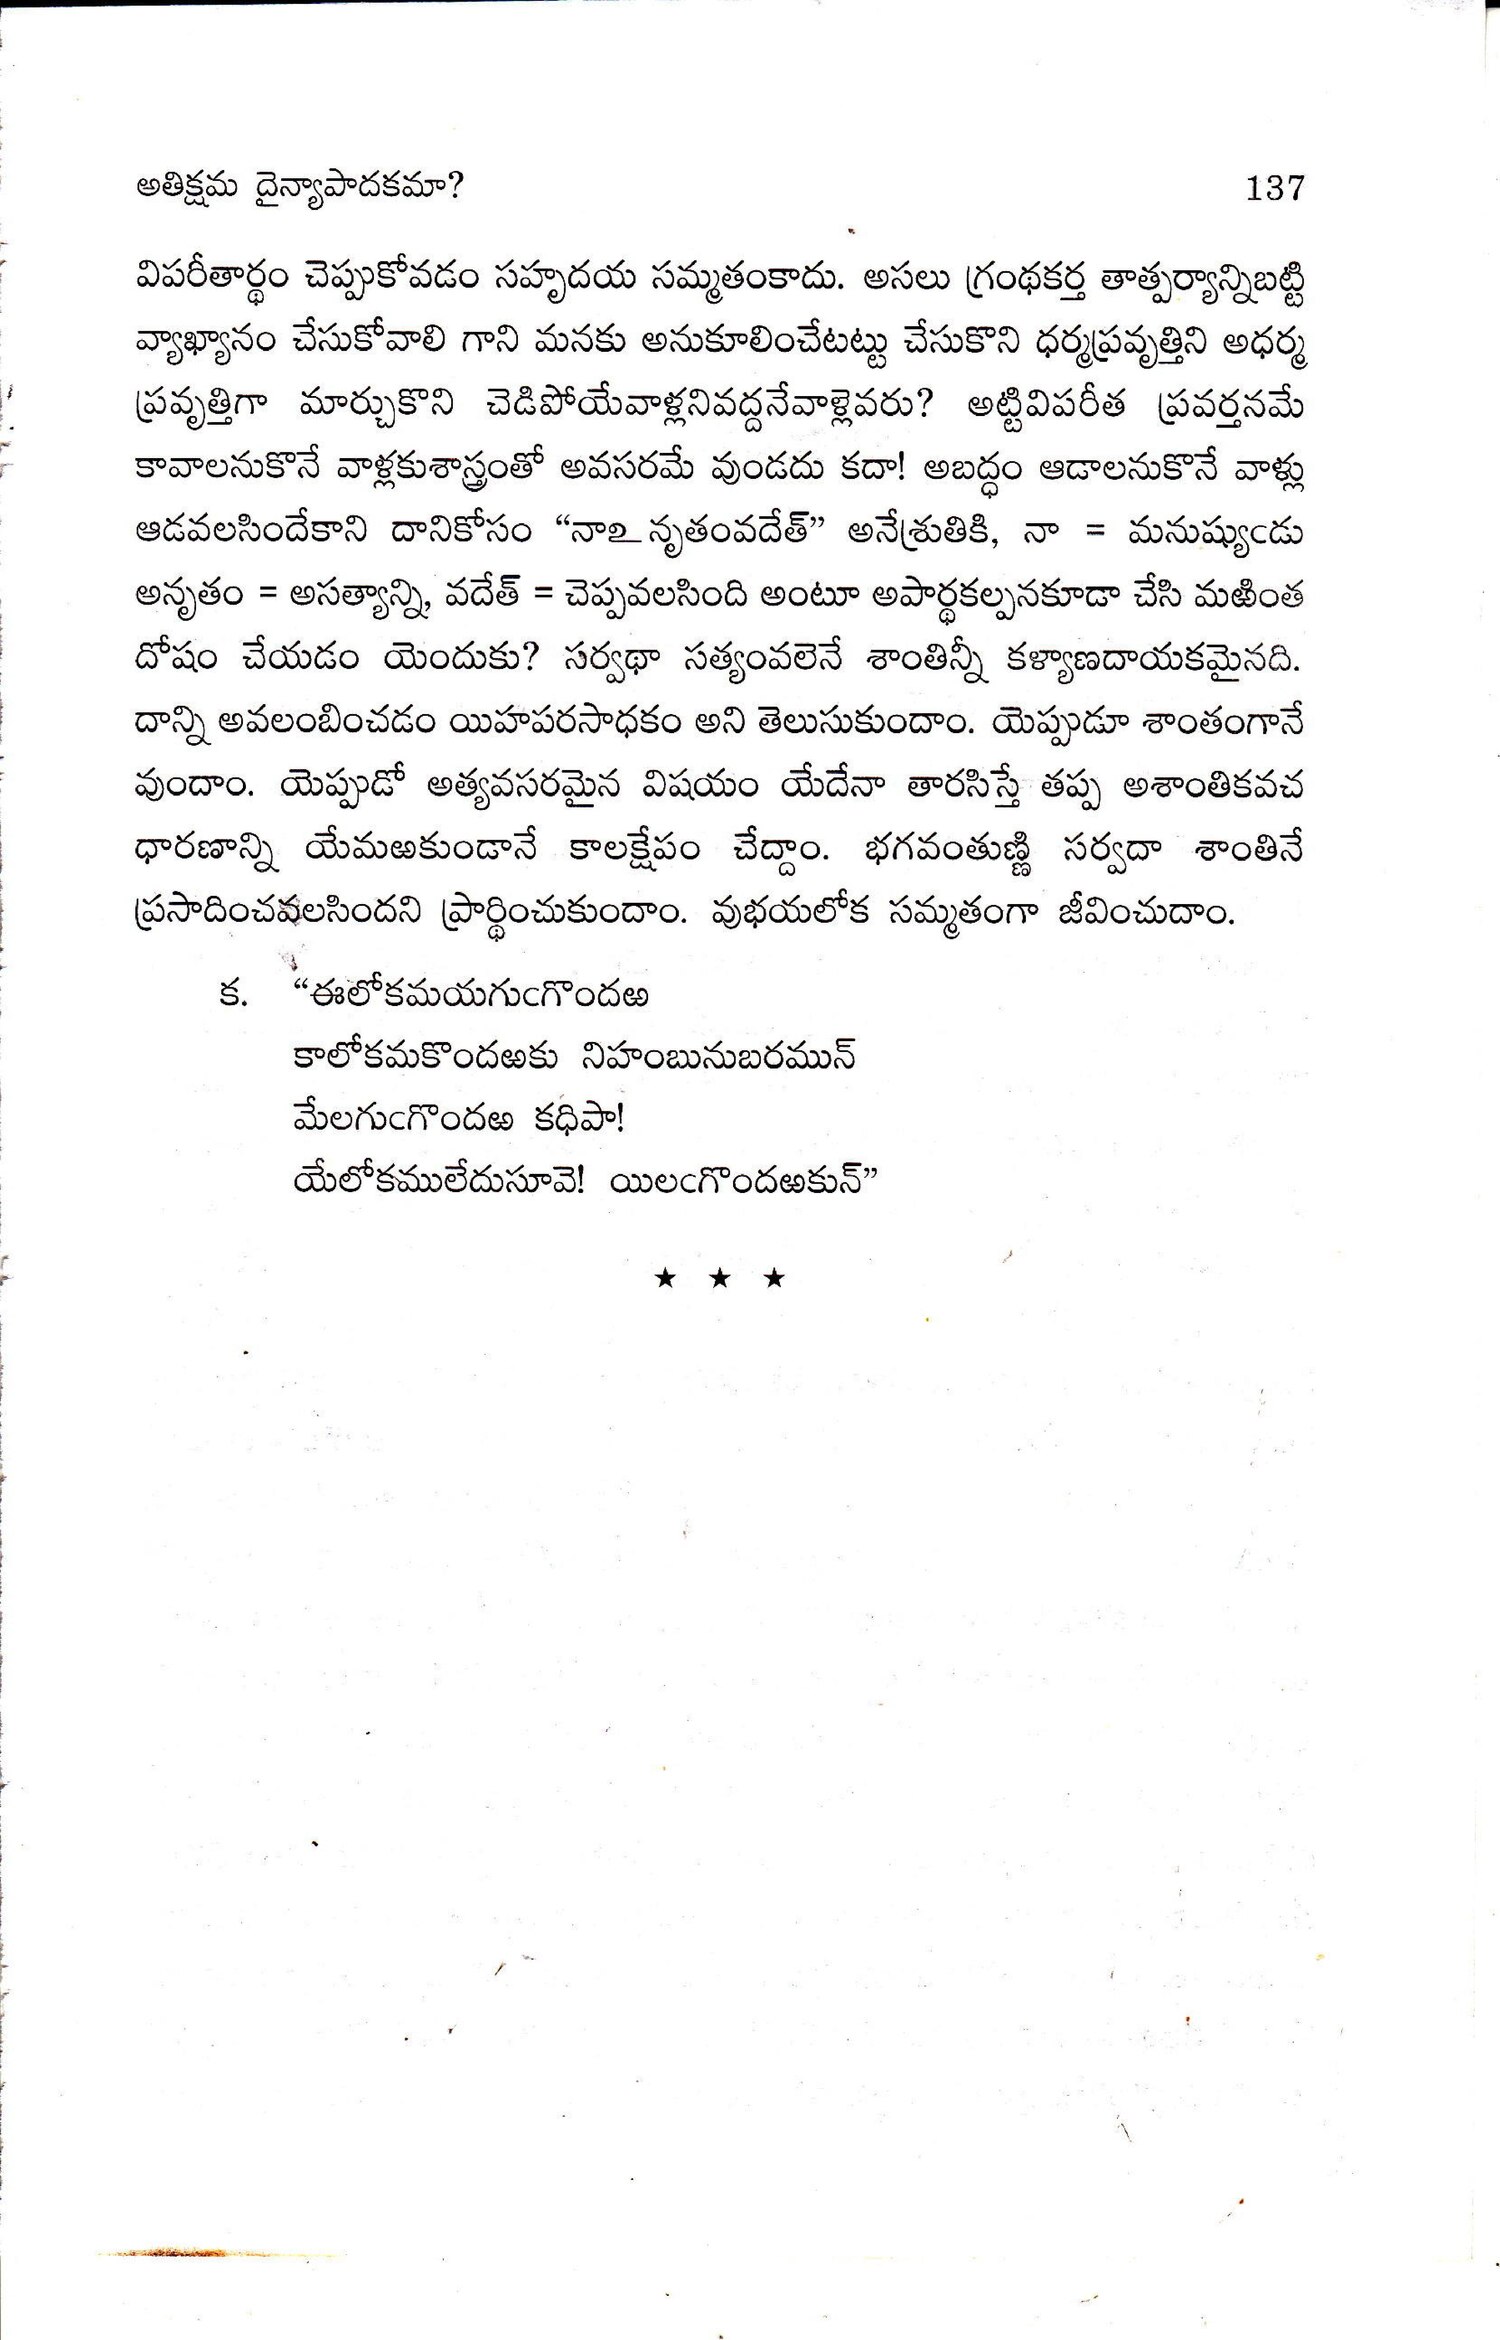విపరీతార్థం చెప్పకోవడం సహృదయ సమ్మతంకాదు. అసలు గ్రంథకర్త తాత్పర్యాన్నిబట్టి వ్యాఖ్యానం చేసుకోవాలి గాని మనకు అనుకూలించేటట్టు చేసుకొని ధర్మప్రవృత్తిని అధర్మ ప్రవృత్తిగా మార్చుకొని చెడిపోయేవాళ్లనివద్దనేవాళ్లెవరు? అట్టివిపరీత ప్రవర్తనమే కావాలనుకొనే వాళ్లకుశాస్త్రంతో అవసరమే వుండదు కదా! అబద్ధం ఆడాలనుకొనే వాళ్లు ఆడవలసిందేకాని దానికోసం "నా౽నృతంవదేత్" అనేశ్రుతికి, నా = మనుష్యుఁడు అనృతం = అసత్యాన్ని వదేత్ = చెప్పవలసింది అంటూ అపార్థకల్పనకూడా చేసి మఱింత దోషం చేయడం యెందుకు? సర్వథా సత్యంవలెనే శాంతిన్నీ కళ్యాణదాయకమైనది. దాన్ని అవలంబించడం యిహపరసాధకం అని తెలుసుకుందాం. యెప్పడూ శాంతంగానే వుందాం. యెప్పడో అత్యవసరమైన విషయం యేదేనా తారసిస్తే తప్ప అశాంతికవచ ధారణాన్ని యేమఱకుండానే కాలక్షేపం చేద్దాం. భగవంతుణ్ణి సర్వదా శాంతినే ప్రసాదించవలసిందని ప్రార్థించుకుందాం. వుభయలోక సమ్మతంగా జీవించుదాం.

క. "ఈలోకమయగుఁగొందఱ
 కాలోకమకొందఱకు నిహంబునుబరమున్ 
 మేలగుఁగొందఱ కధిపా! 
 యేలోకములేదుసూవె! యిలఁగొందఱకున్”